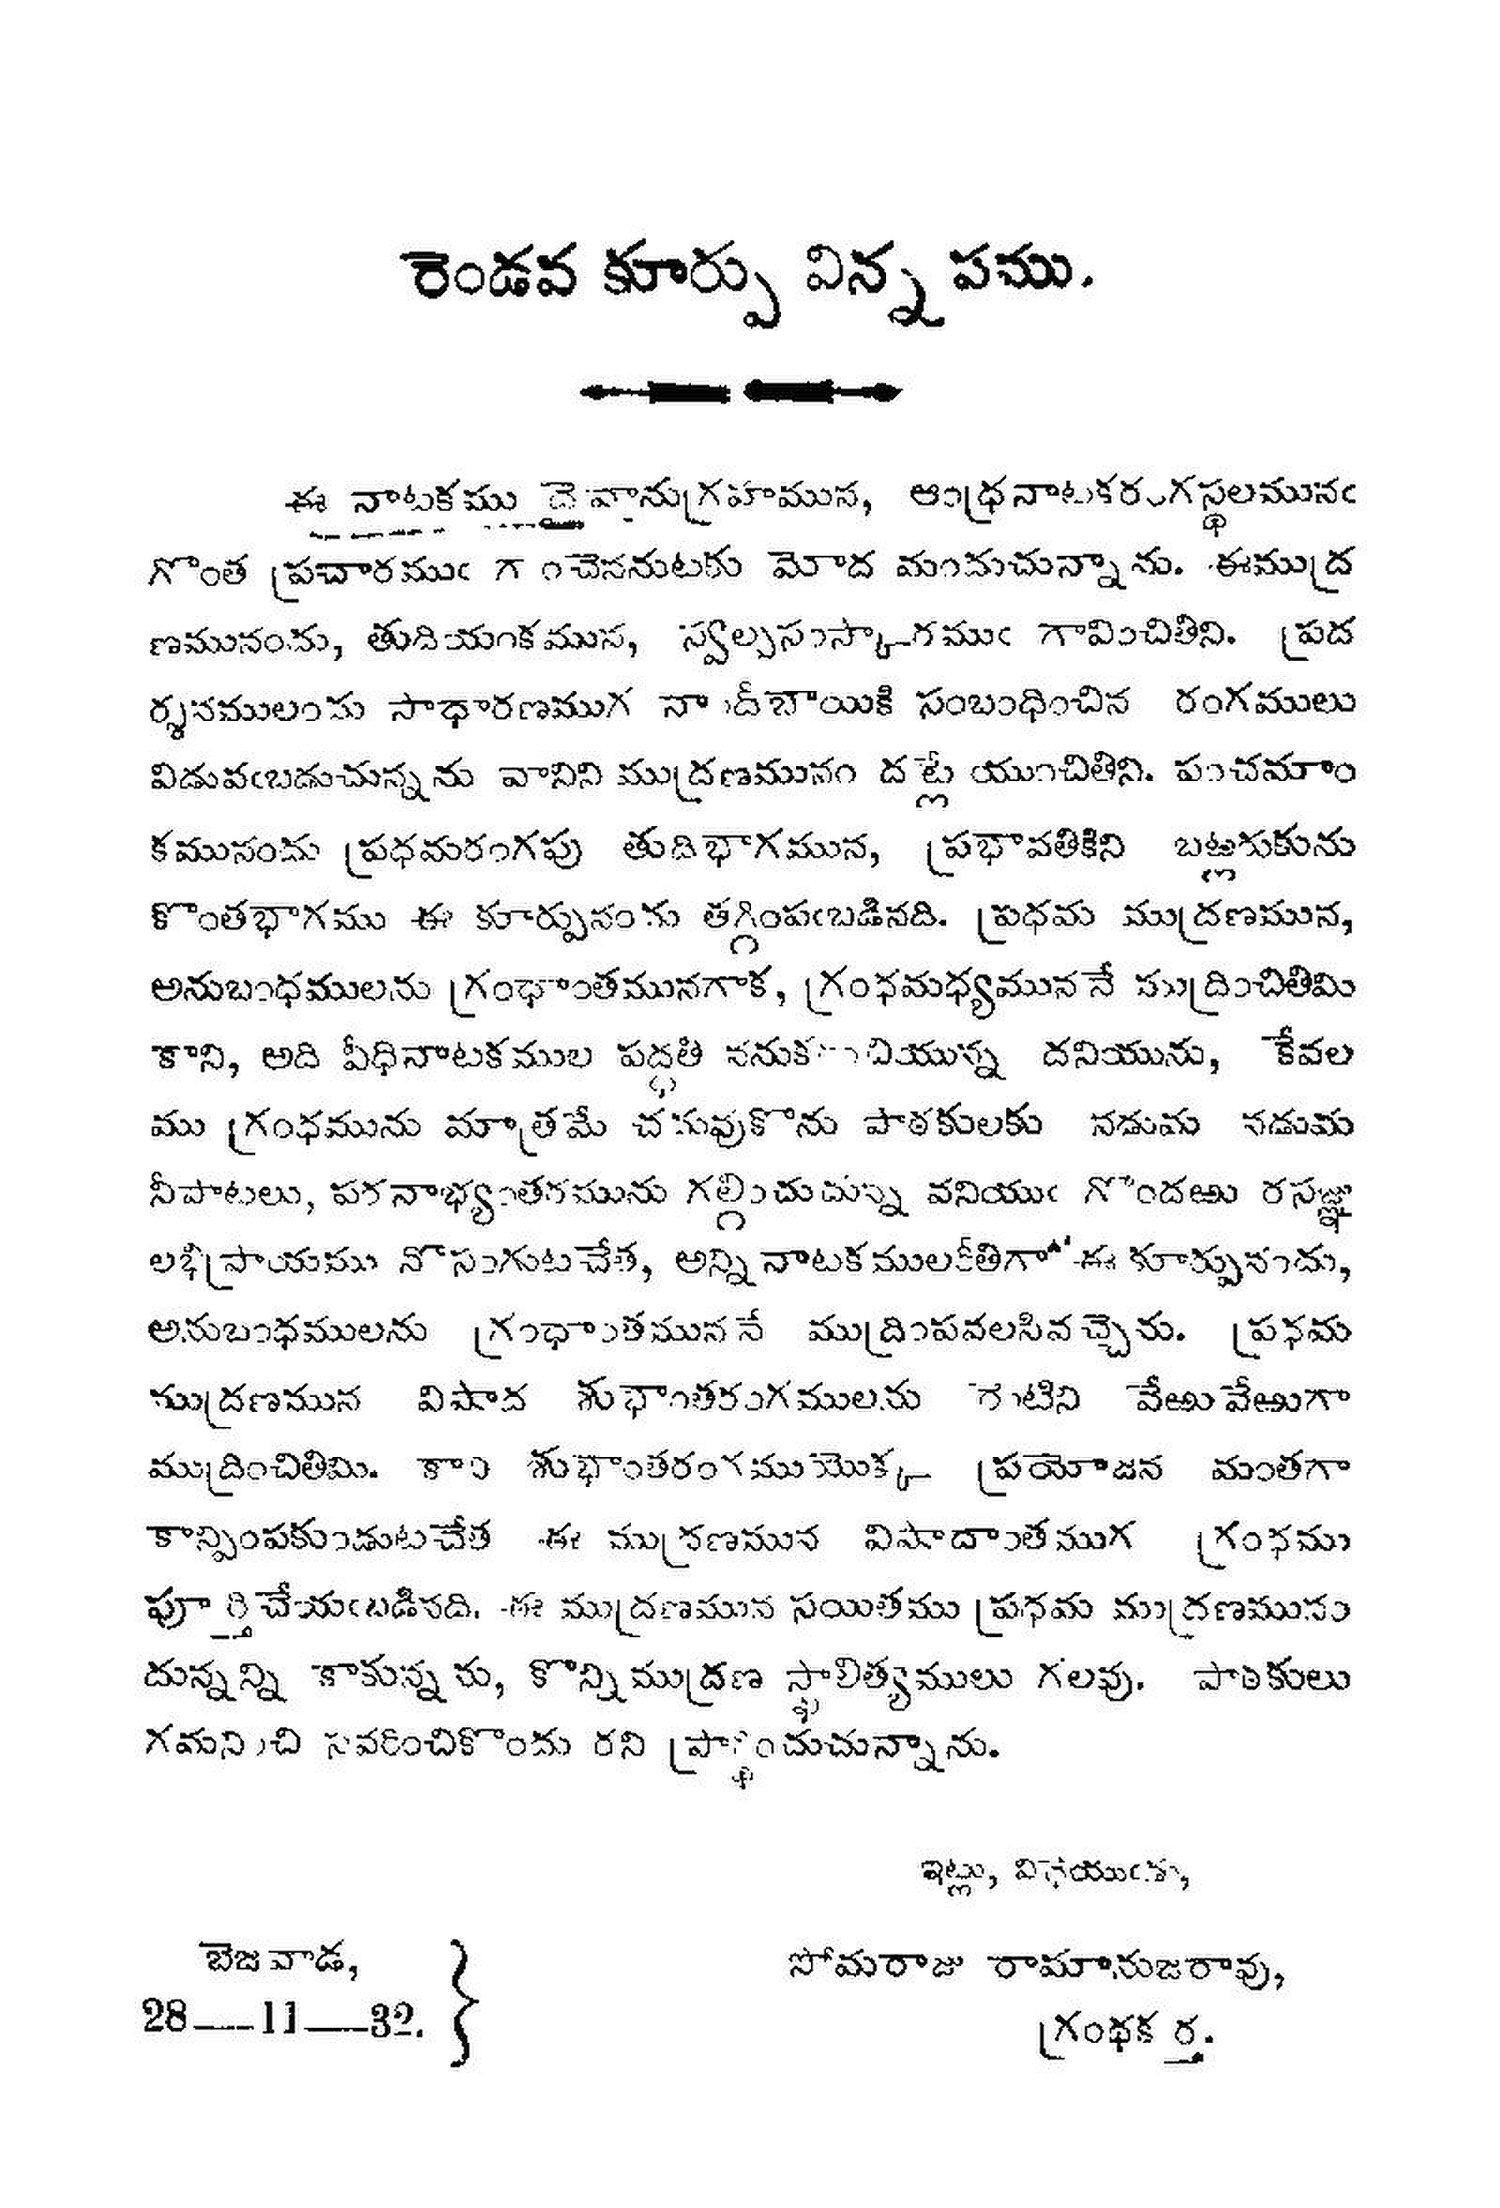రెండవ కూర్పు విన్నపము.

ఈ నాటకము దైవానుగ్రహమున, ఆంధ్రనాటకరంగస్థలమునఁ గొంత ప్రచారముఁ గాంచెననుటకు మోద మంచుచున్నాను. ఈముద్రణమునందు, తుదియంకమున, స్వల్పసంస్కారముఁ గావించితిని. ప్రదర్శనములందు సాధారణముగ నాందీబాయికి సంబంధించిన రంగములు విడువఁబడుచున్నను వానిని ముద్రణమునం దట్లే యుంచితిని. పంచమాంకమునందు ప్రధమరంగపు తుదిభాగమున, ప్రభావతికిని బట్లరుకును కొంతభాగము ఈ కూర్పునందు తగ్గింపఁబడినది. ప్రధమ ముద్రణమున,
అనుబంధములను గ్రంధాంతమునగాక , గ్రంధమధ్యముననే ముద్రించితిమి కాని, అది వీధినాటకముల పద్దతి ననుకరించియున్న దనియును, కేవలము గ్రంధమును మాత్రమే చదువుకొను పాఠకులకు నడుమ నడుమ నీపాటలు, పరనాభ్యంతరమును గల్గించుచున్న వనియుఁ గొందఱు రసజ్ఞు లభిప్రాయము నొసంగుటచేత, అన్నినాటకములరీతిగా ఈ కూర్పునుందు, అనుబంధములను గ్రంధాతముననే ముద్రింపవలసివచ్చెరు. ప్రథమ ముద్రణమున విషాద శుభాంతరంగములను రెంటిని వేఱువేఱుగా ముద్రించితిమి. కాని శుభాంతరంగముయొక్క ప్రయోజన మంతగా
కాన్పింపకుండుటచేత ఈ ముద్రణమున విషాదాంతముగ గ్రంధము పూర్తిచేయఁబడినది. ఈ ముద్రణమున సయితము ప్రధమ ముద్రణమునందున్నన్ని కాకున్నను, కొన్నిముద్రణ స్థాలిత్యములు గలవు. పాఠకులు గమనించి సవరించికొందు రని ప్రార్థించుచున్నాను.

బెజవాడ,

28 - 11 - 32.